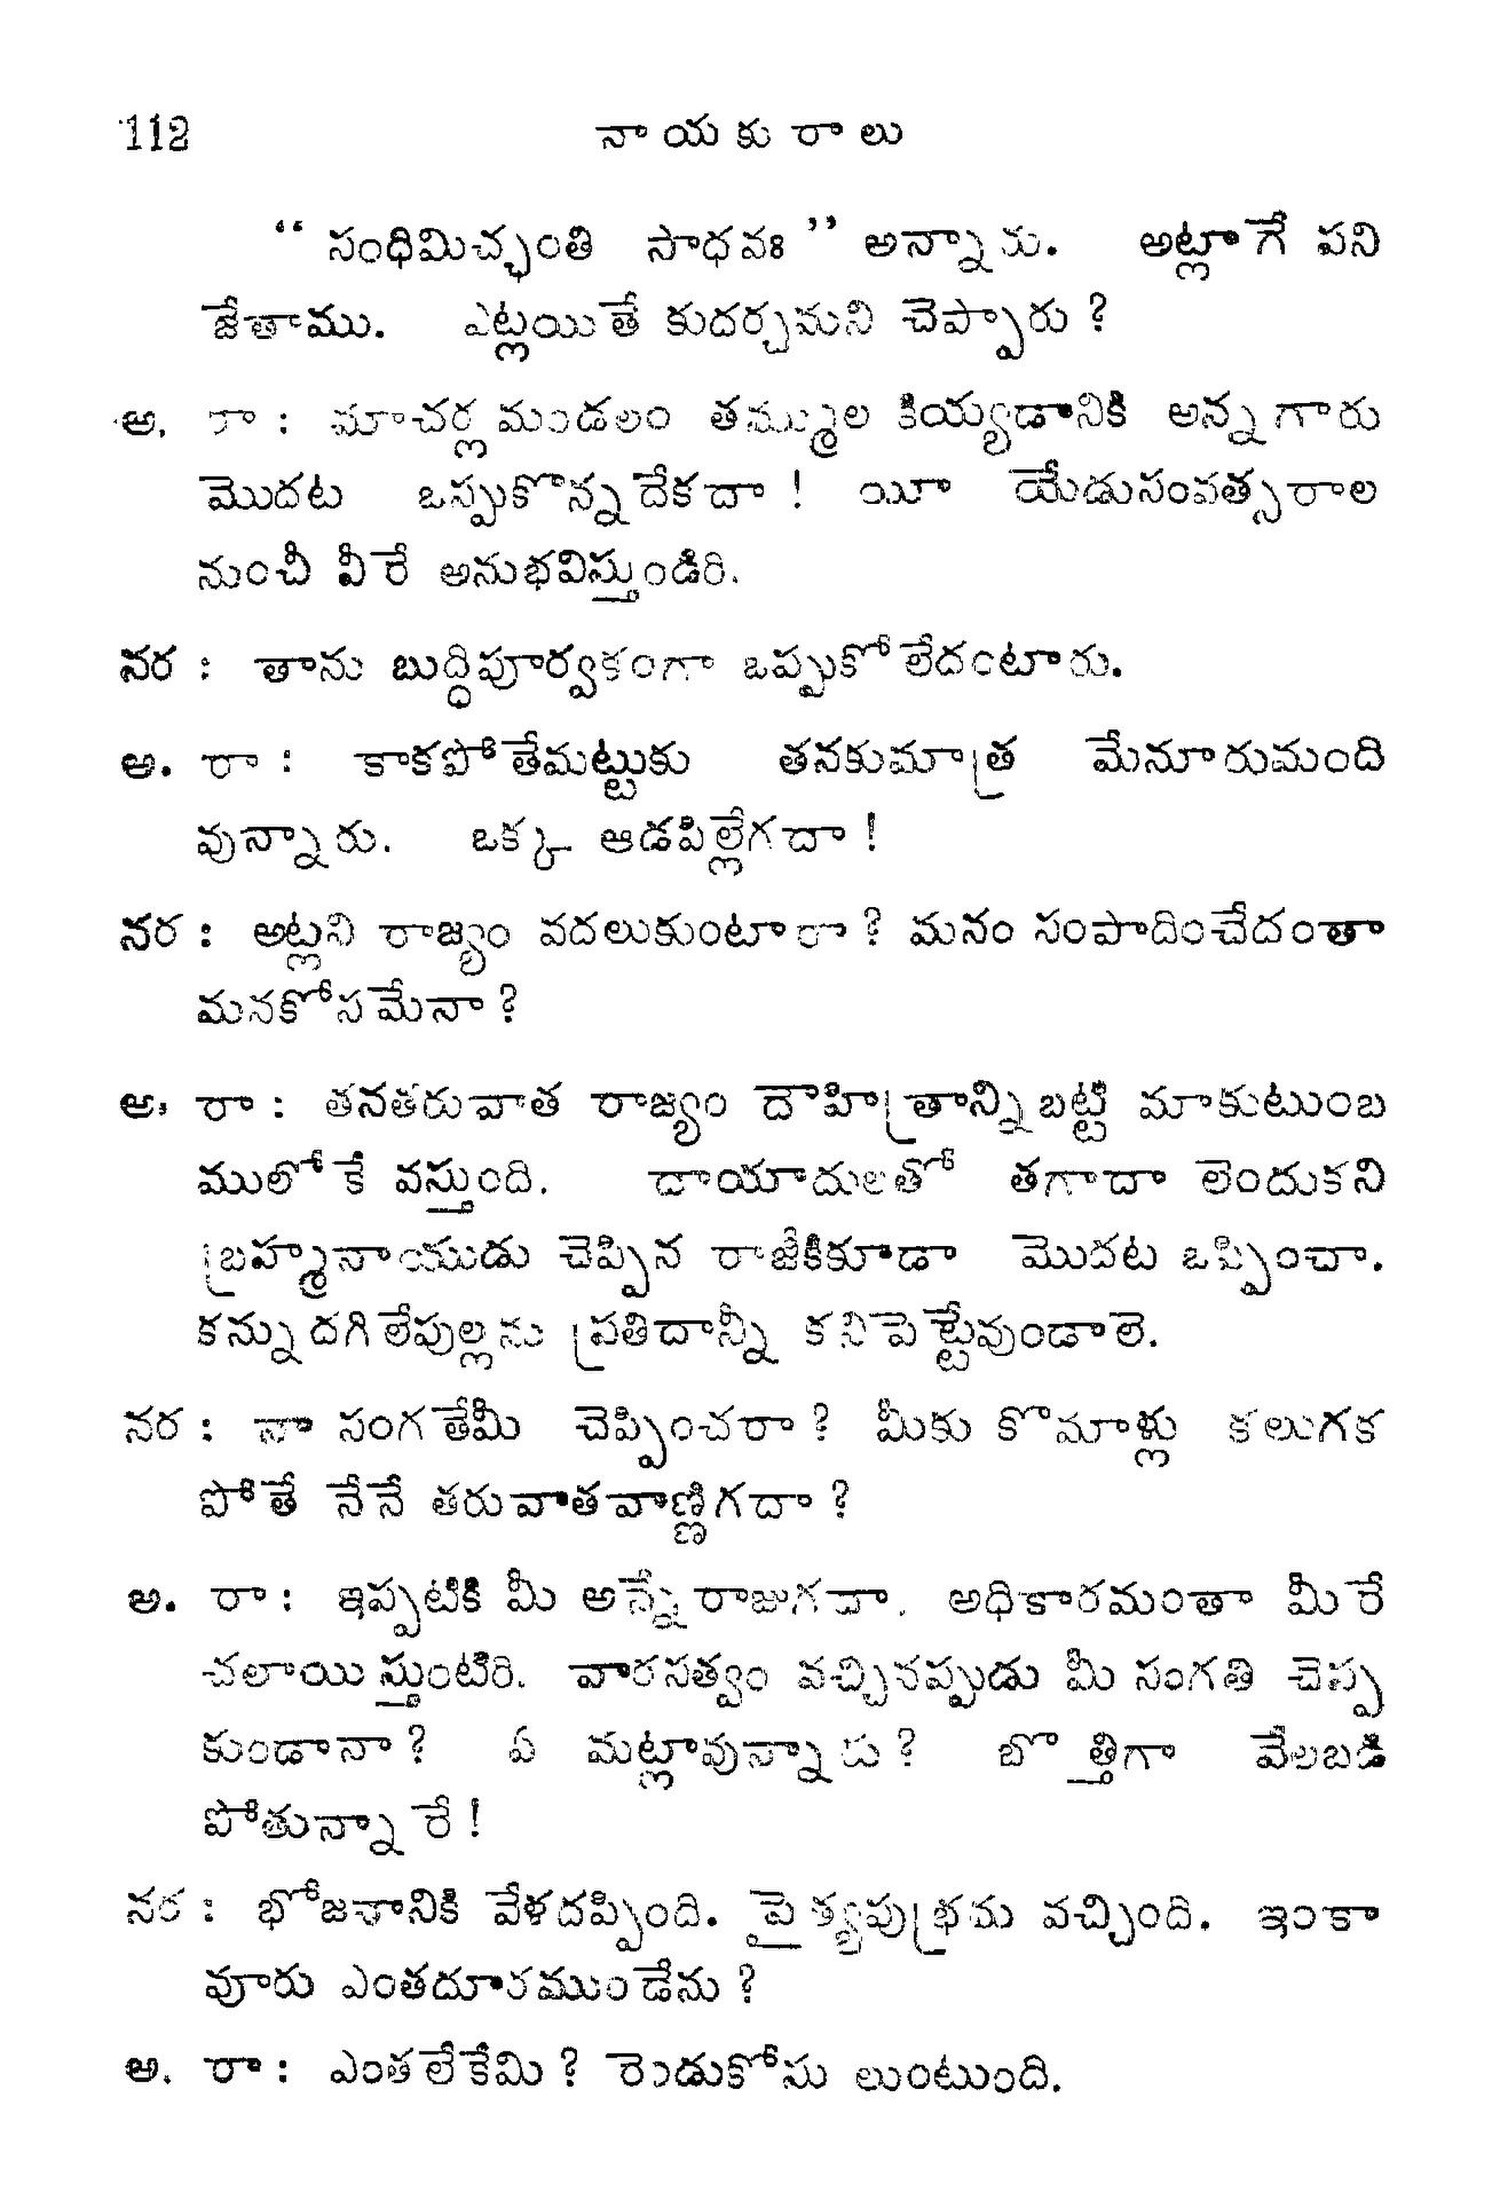"సంధిమిచ్ఛంతి సాధనః " అన్నారు. అట్లాగే పని జేతాము. ఎట్లయితే కుదర్చమని చెప్పారు ?

అ. రా : మాచర్లమండలం తమ్ముల కియ్యడానికి అన్నగారు మొదట ఒప్పుకొన్నదేకదా ! యీ యేడుసంవత్సరాల నుంచి వీరే అనుభవిస్తుండిరి.

నర : తాను బుద్ధిపూర్వకంగా ఒప్పుకోలేదంటారు.

అ. రా : కాకపోతేమట్టుకు తనకుమాత్ర మేనూరుమంది వున్నారు. ఒక్క ఆడపిల్లేగదా !

నర : అట్లని రాజ్యం వదలుకుంటారా ? మనం సంపాదించేదంతా మనకోసమేనా?

అ. రా : తనతరువాత రాజ్యం దౌహిత్రాన్నిబట్టి మాకుటుంబములో కే వస్తుంది. దాయాదులతో తగాదా లెందుకని బ్రహ్మనాయుడు చెప్పిన రాజీకికూడా మొదట ఒప్పించా. కన్నుదగిలేపుల్లను ప్రతిదాన్నీ కనిపెట్టేవుండాలె.

నర : నా సంగతేమీ చెప్పించరా ? మీకు కొమాళ్లు కలుగకపోతే నేనే తరువాతవాణ్ణిగదా ?

అ. రా : ఇప్పటికి మీ అన్నేరాజుగదా, అధికారమంతా మీరే చలాయిస్తుంటిరి. వారసత్వం వచ్చినప్పుడు మీ సంగతి చెప్పకుండానా? ఏ మట్లావున్నారు? బొత్తిగా వేలబడి పోతున్నా రే!

నర : భోజనానికి వేళదప్పింది. పైత్యపుభ్రమ వచ్చింది. ఇంకా వూరు ఎంతదూరముండేను ?

అ. రా: ఎంతలేకేమి? రెండుకోసు లుంటుంది.